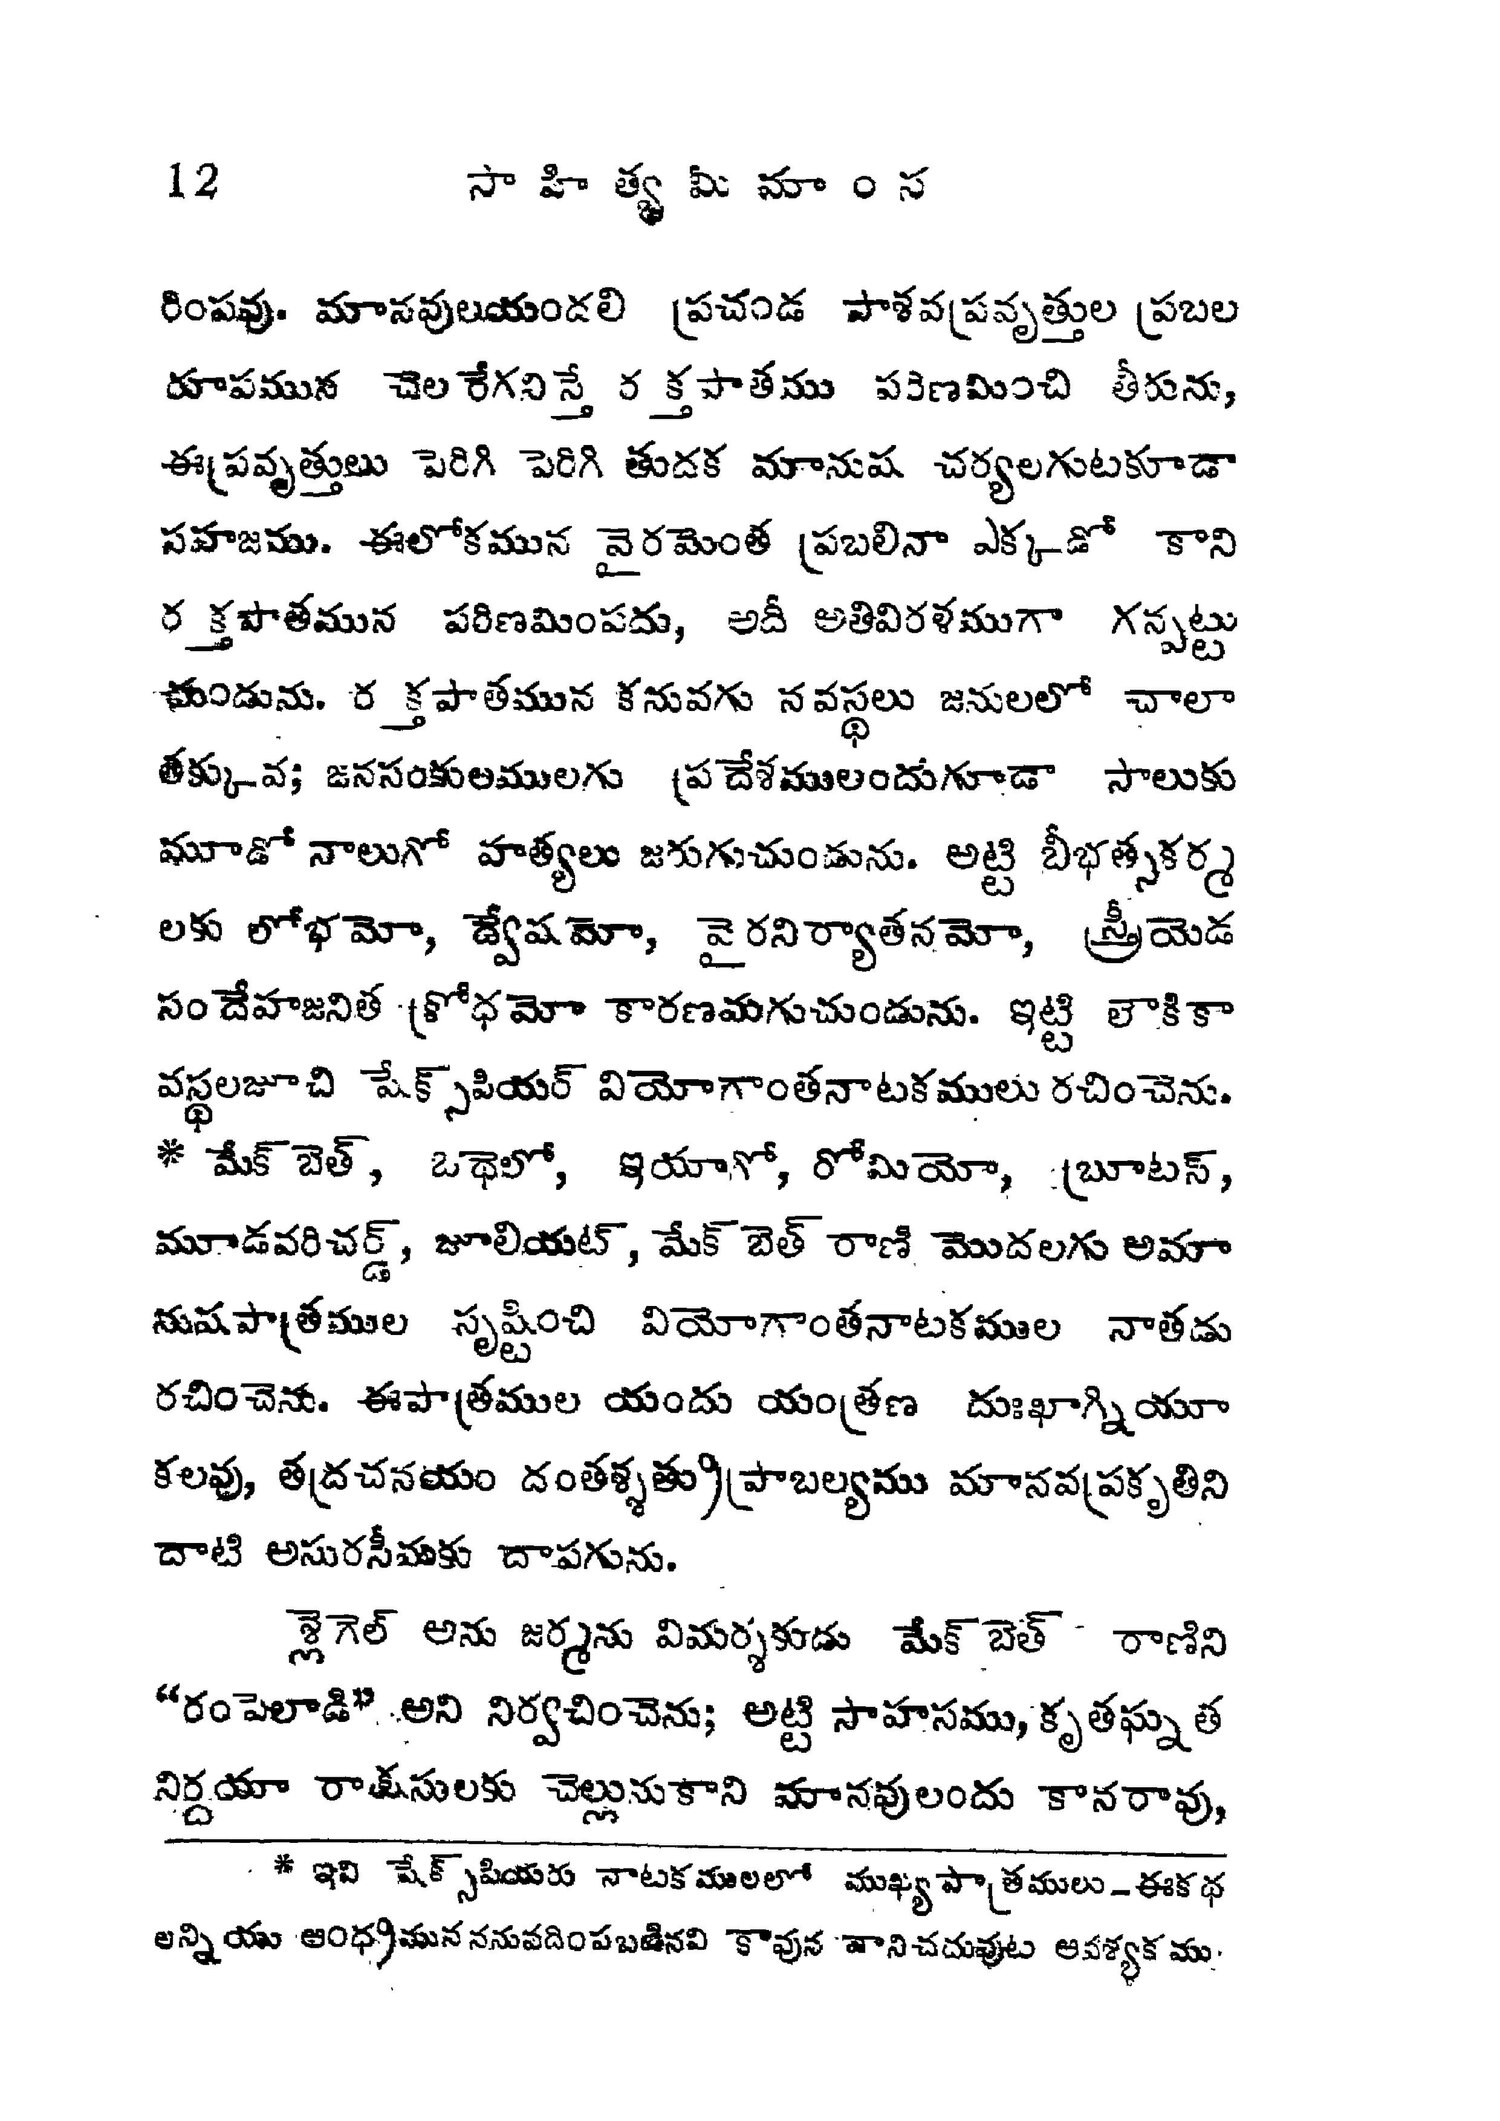రింపవు. మానవులయందలి ప్రచండ పాశవప్రవృత్తుల ప్రబల రూపమున చెలరేగనిస్తే రక్తపాతము పరిణమించి తీరును, ఈప్రవృత్తులు పెరిగి పెరిగి తుదక మానుష. చర్యలగుటకూడా సహజము. ఈలోకమున వైరమెంత ప్రబలినా ఎక్కడో కాని రక్తపాతమున పరిణమింపదు, అదీ అతివిరళముగా గన్పట్టు చుండును. రక్తపాతమున కనువగు నవస్థలు జనులలో చాలా తక్కువ; జనసంకులములగు ప్రదేశములందుగూడా సాలుకు మూడో నాలుగో హత్యలు జరుగుచుండును. అట్టి బీభత్సకర్మలకు లోభమో, ద్వేషమో, వైరనిర్యాతనమో, స్త్రీయెడ సందేహజనిత క్రోధమో కారణమగుచుండును. ఇట్టి లౌకికావస్థలజూచి షేక్స్‌పియర్ వియోగాంతనాటకములు రచించెను. *మేక్‌బెత్, ఒథెలో, ఇయాగో, రోమియో, బ్రూటస్, మూడవరిచర్డ్, జూలియట్, మేక్‌బెట్ రాణి మొదలగు అమానుషపాత్రముల సృష్టించి వియోగాంతనాటకముల నాతడు రచించెను. ఈపాత్రముల యందు యంత్రణ దు:ఖాగ్నియూ కలవు, తద్రచనయం దంతశ్శత్రుప్రాబల్యము మానవప్రకృతిని దాటి అసురసీమకు దాపగును.

శ్లెగెల్ అను జర్మను విమర్శకుడు మేక్‌బెత్ రాణిని "రంపెలాడి" అని నిర్వచించెను; అట్టి సాహసము, కృతఘ్నత నిర్దయా రాక్షసులకు చెల్లునుకాని మానవులందు కానరావు,